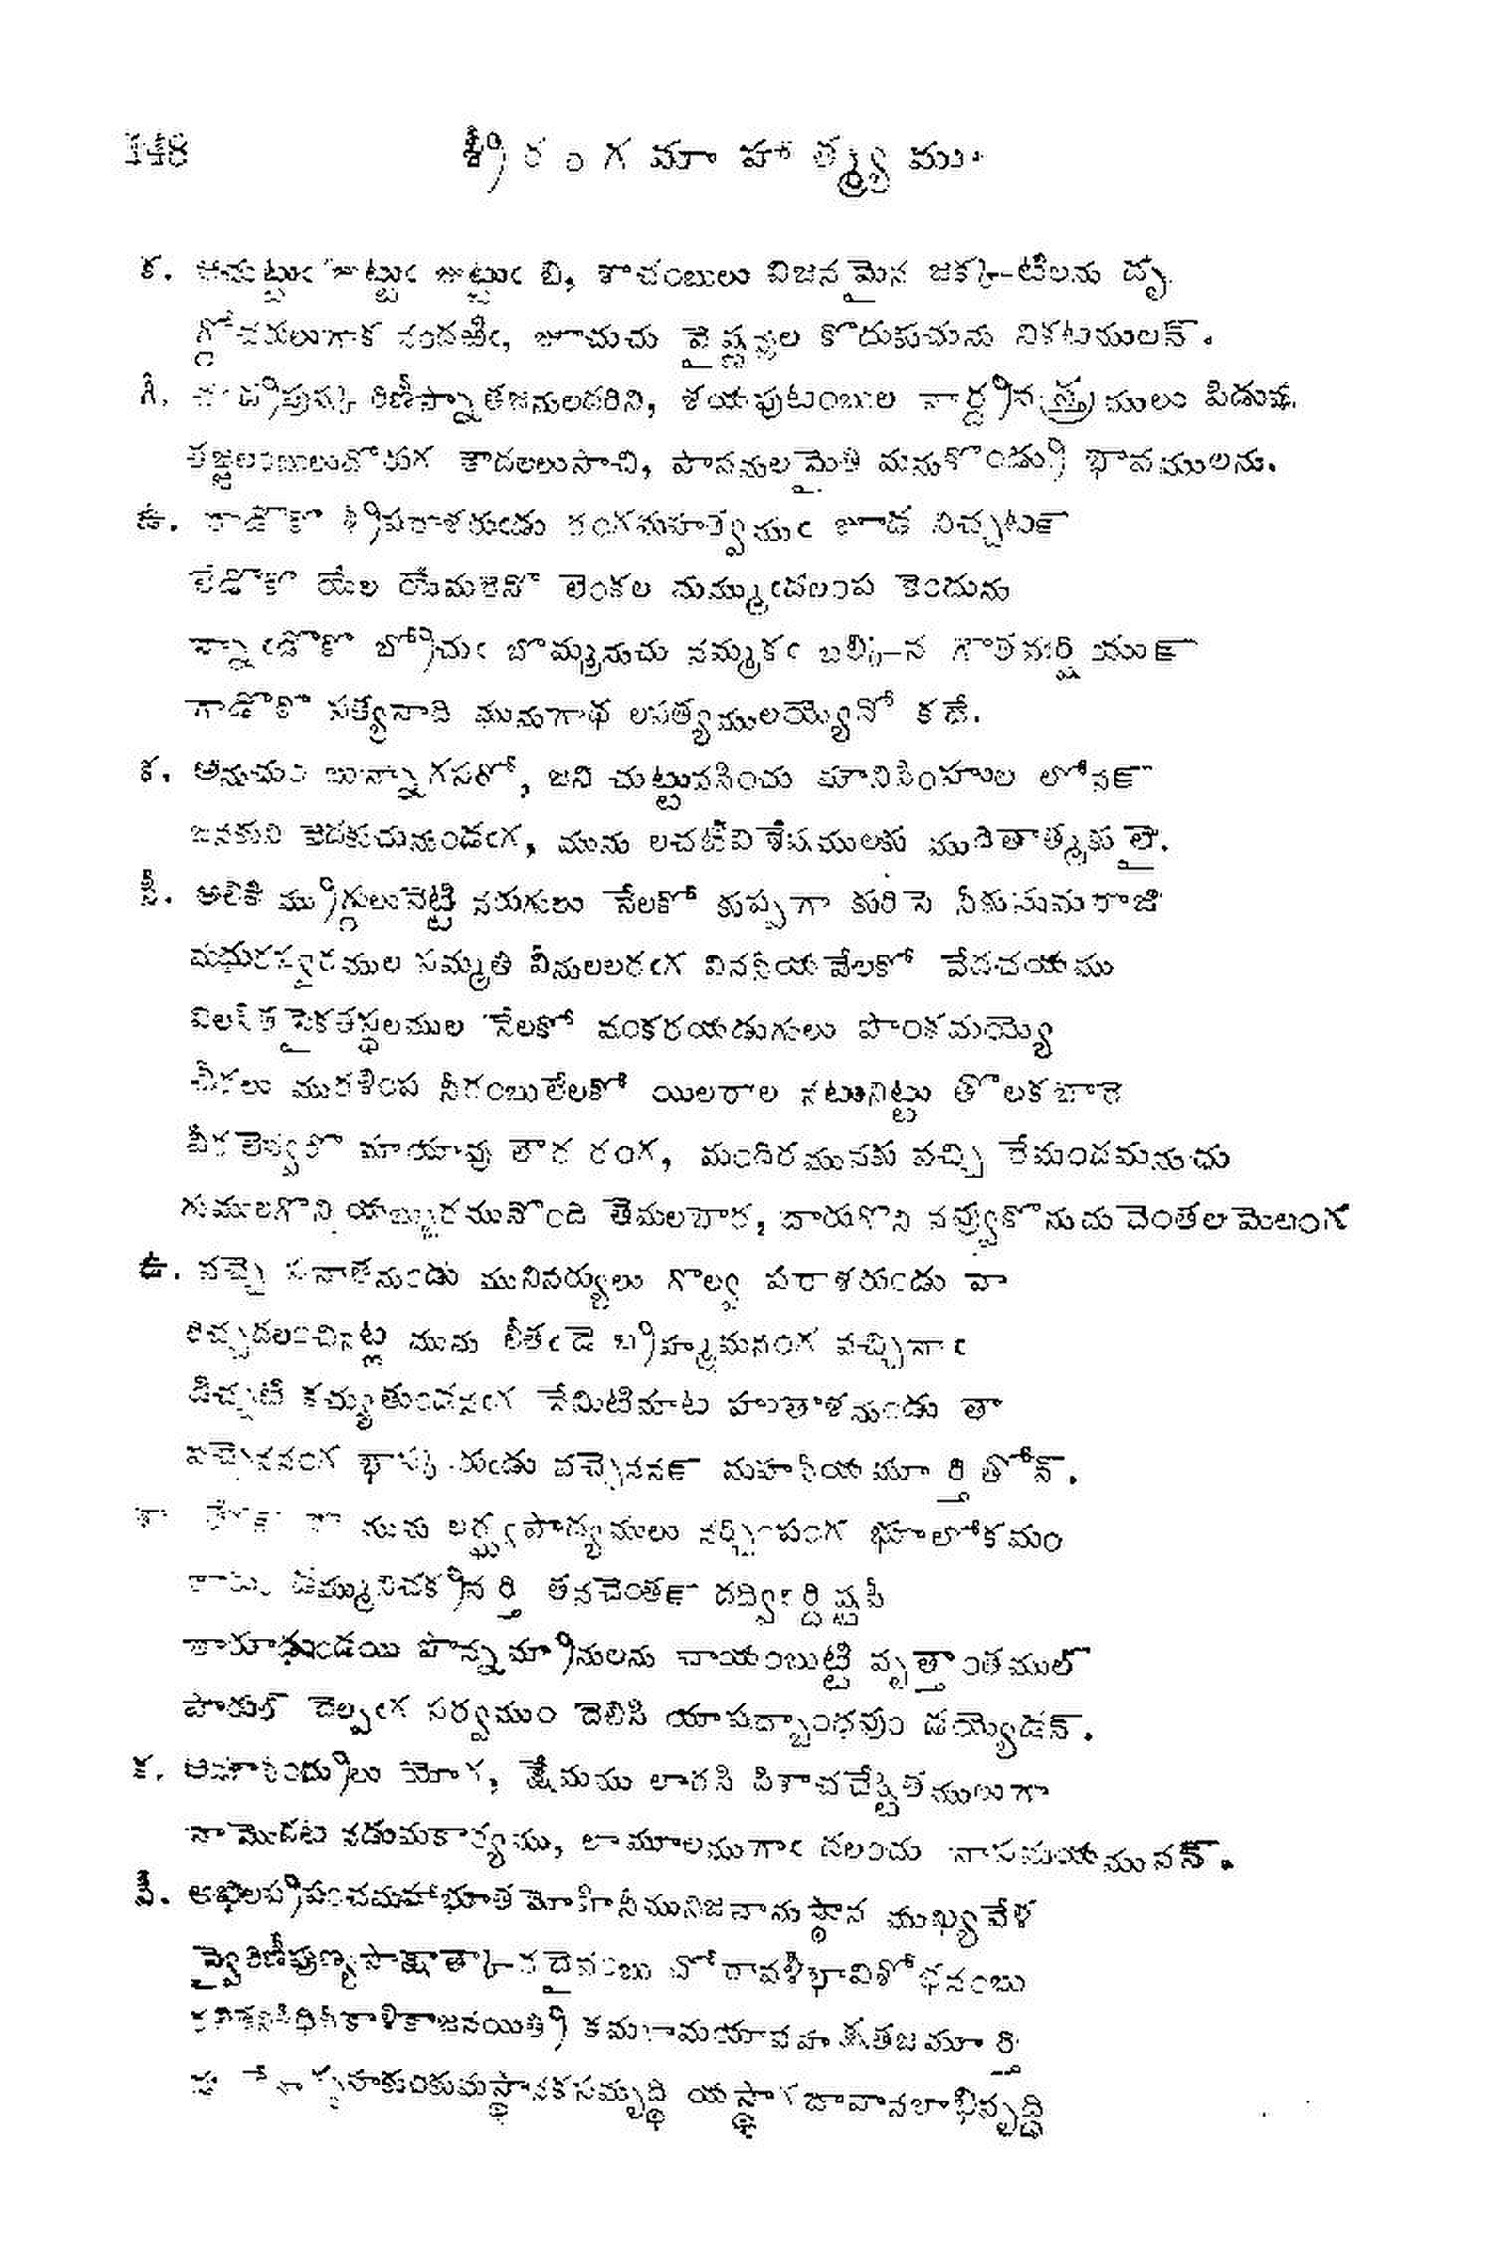క. ఆచుట్టుఁ జుట్టుఁ జుట్టుఁ బి, శాచంబులు విజనమైన జక్కటిలను దృ
 గ్గోచరులు గాక నందఱిఁ, జూచుచు వైష్ణవుల కొదుకుచును నికటములన్.
గీ. చంద్రపుష్కరిణీస్నాతజనులదరిని, శయపుటంబుల నార్ద్రవస్త్రములు పిడువ
 తజ్జలంబులు దొరుగ నౌదలలు సాచి, పావనుల మైతి మనుకొండ్రు భావములను.
ఉ. రాడొకొ శ్రీపరాశరుడు రంగమహత్వముఁ జూడ నిచ్చటన్
 లేడొకొ యేల యేమరెనొ లెంకల మమ్ముఁ దలంప కెందును
 న్నాఁడొకొ బ్రోచుఁ బొమ్మనుచు నమ్మకఁ బల్కిన గౌతమర్షియున్
 గాడొకొ సత్యవాది మునుగాథ లసత్యము లయ్యెనో కదే.
క. అనుచుం బున్నాగసరో, జునిచుట్టు వసించు మౌనిసింహులలోనన్
 జనకుని వెదకుచునుండఁగ, మును లచటివిశేషములకు ముదితాత్మకులై.
సీ. అలికి మ్రుగ్గులువెట్టి నరుగులు నేలకో కుప్పగా కురిసె నీకుసుమరాజి
 మధురస్వరముల సమ్మతి వీనులలరఁగ విననీయవేలకో వేదచయము
 విలసితసైకతస్థలముల నేలకో వంకరయడుగులు పొంకమయ్యె
 చీరలు మురళింప నీరంబు లేలకో యిలరాల నటునిట్టు తొలకబారె
 వీర లెవ్వరొ మాయావు లౌర రంగ, మంగిరమునకు వచ్చి రేమందమనుచు
 గుములగొని యబ్బురమునొంది తెమలబార, దారుగొని నవ్వుకొనుచు చెంతల మెలంగు
ఉ. వచ్చె సనాతనుండు మునినర్యులు గొల్వ పరాశరుఁడు నా
 రిచ్చదలంచినట్ల మును లీతఁడె బహ్మమనంగ వచ్చినాఁ
 డిచ్చటి కచ్యుతుండనఁగ నేమిటిమాట హుతాశనుండు తా
 వచ్చెననంగ భాస్కరుఁడు వచ్చెననన్ మహనీయమూర్తితోన్.
శా. చేరన్ రా మును లర్ఘ్యపాద్యములు నర్చింపంగ భూలోకమం
 దారుం డమ్మునిచక్రవర్తి తనచెంతన్ దద్వినిర్దిష్టపీ
 ఠారూఢుండయి పొన్నమ్రానులను చాయంబుట్టి వృత్తాంతముల్
 పౌరుల్ దెల్పఁగ సర్వముం దెలిసి యాపద్బాంధవుం డయ్యెడన్.
క. ఆమౌనీంద్రులు యోగ, క్షేమము లారసి పిశాచచేష్టితములుగా
 నా మొదట నడుమకార్యము, లామూలముగాఁ దలంచు నాసమయమునన్.
సీ. అఖిలప్రపంచమహాభూతమోహినీమునిజనానుష్ఠాన ముఖ్యవేళ
 స్వైరిణీపుణ్యసాక్షాత్కారదైవంబు చోరావళీభావిశోభనంబు
 కలితనిశీధినీకాళికాజనయిత్రి కమలామయావహక్షతజమూర్తి
 మందేహగృహకుంకుమస్థావకసమృద్ధి యస్థాగదావానలాభివృద్ధి